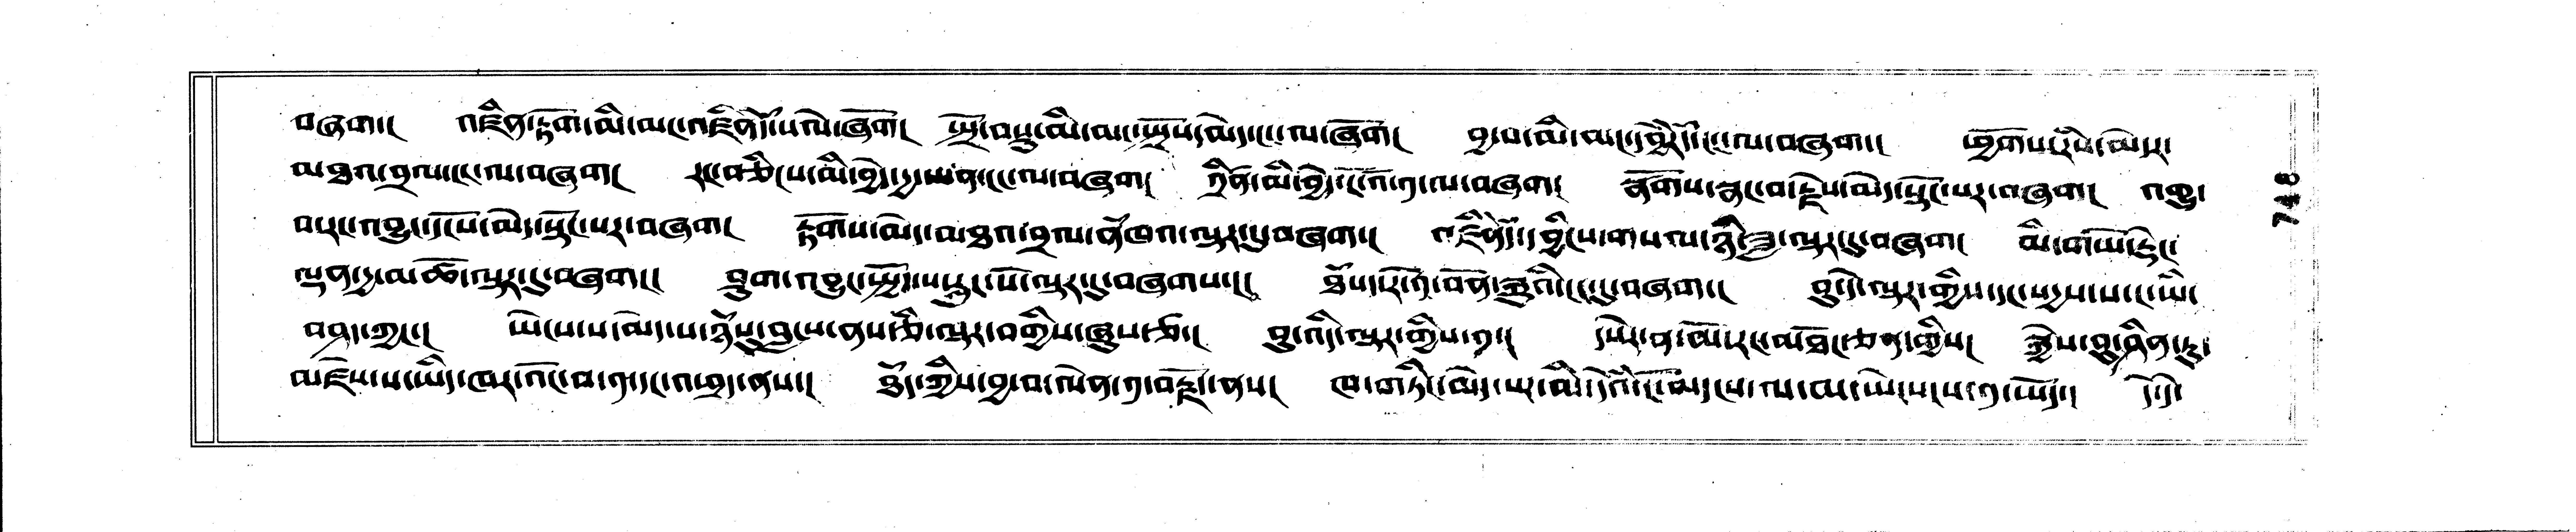བཞག འཛིན་རྟོག་མི་མང་འཛིན་མེད་སལེ་བཞག སྤྲོ་བསྡུ་མི་མང་སྤྲོས་མེད་ངང་ལ་བཞག བྱ་བ་མི་མང་དབྱེར་༼བྱར༽མེད་ངང་ལ་བཞག ཕྱོགས་རིས་མེད་པར་
མཐའ་བྲལ་ངང་ལ་ཞོག རང་བཅིང་མི་བྱེད་རྒྱ་ཡན་ངང་ལ་བཞག གཉིས་འཛིན་མི་བྱེད་ངོའོ་གཅིག་ལ་བཞག སྣ་ཚོགས་སྣང་བ་རྗེས་མེད་སྟོང་པར་བཞག འགྱུ་
བ་རང་འབྱུང་དངོས་མེད་སྟོང་པར་བཞག རྟོག་མེད་མཐའ་བྲལ་ནམ་མཁའ་ལྟར་དུ་བཞག འཛིན་མེད་དབྱིངས་གསལ་ཉི་ཟླ་ལྟར་དུ་བཞག མི་གཡོ་རྡེང་
ལྡན་རྒྱ་མཚོ་ལྟར་དུ་བཞག ཤུགས་འབྱུང་སྤྱོད་པ་རླུང་པོ་ལྟར་དུ་བཞག ཐམས་ཅད་རོ་གཅིག་བོན་སྐུའི་ངང་དུ་བཞག བུ་དེ་ལྟར་གྱིས་དང་སངས་རྒྱས་པ་ང་ཡིས་
བཤད་ཀྱང། ཡེངས་པ་མེད་པ་ཉམས་སུ་བླང་ནས་ཅི་ལྟར་བགྱི་ཞུས་ཙ། བུ་འདི་ལྟར་གྱིས་ཅིག དཔེར་ན་’སྒེག’མོ་རང་མཐོང་ཅན་གྱིས། སྐྱེས་བུ་ཤིན་ཏུ་
མཛེས་པ་ཡིད་ཁར་འོང་བ་ཅིག་དང་འཕྲད་ནས། ཐམས་ཅད་ཀྱི་བྱ་བ་ལན་གཅིག་བརྗོད་ནས། ཁ་གཏིང་མེད་པར་མི་དེའམ་ངོ་མདངས་ལས་མ་ཡེངས་པ་ཅིག་ཡོད། དེ་དེ་